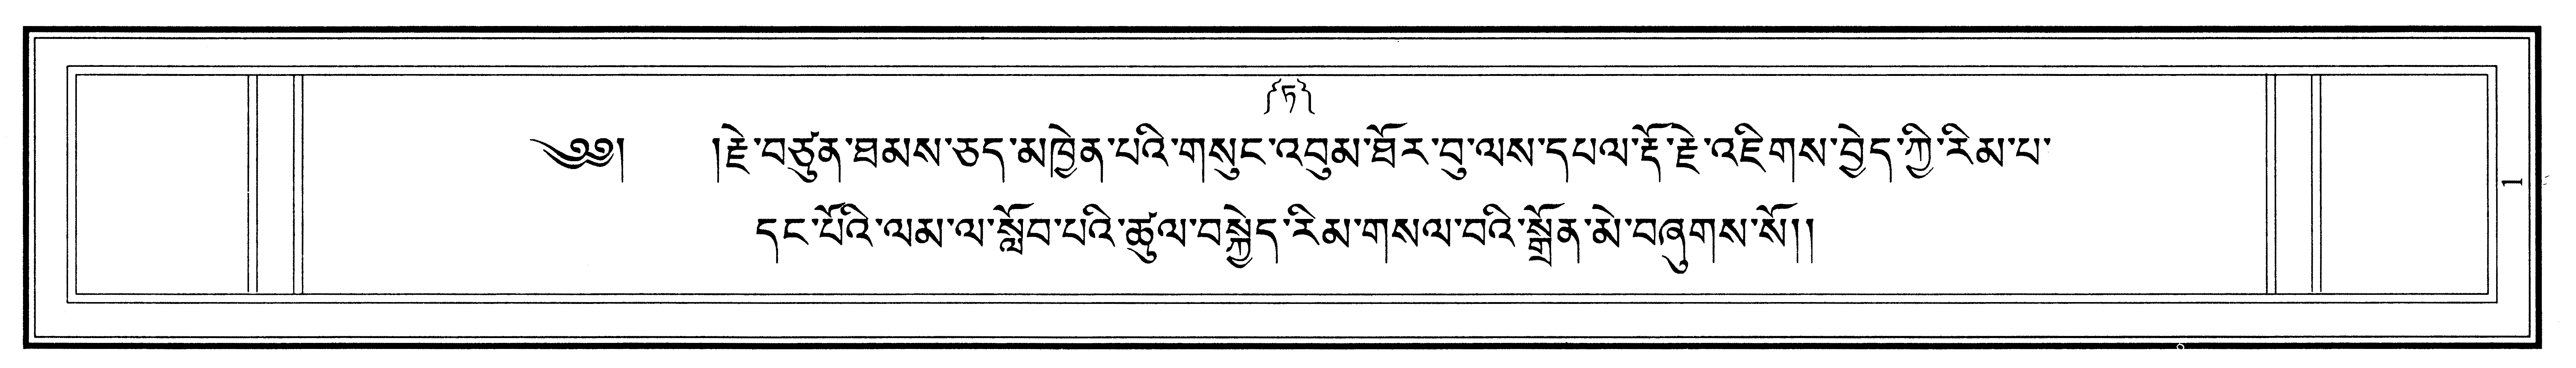༄༅། །རྗེ་བཙུན་ཐམས་ཅད་མཁྱེན་པའི་གསུང་འབུམ་ཐོར་བུ་ལས་དཔལ་རྡོ་རྗེ་འཇིགས་བྱེད་ཀྱི་རིམ་པ་
དང་པོའི་ལམ་ལ་སློབ་པའི་ཚུལ་བསྐྱེད་རིམ་གསལ་བའི་སྒྲོན་མེ་བཞུགས་སོ།།